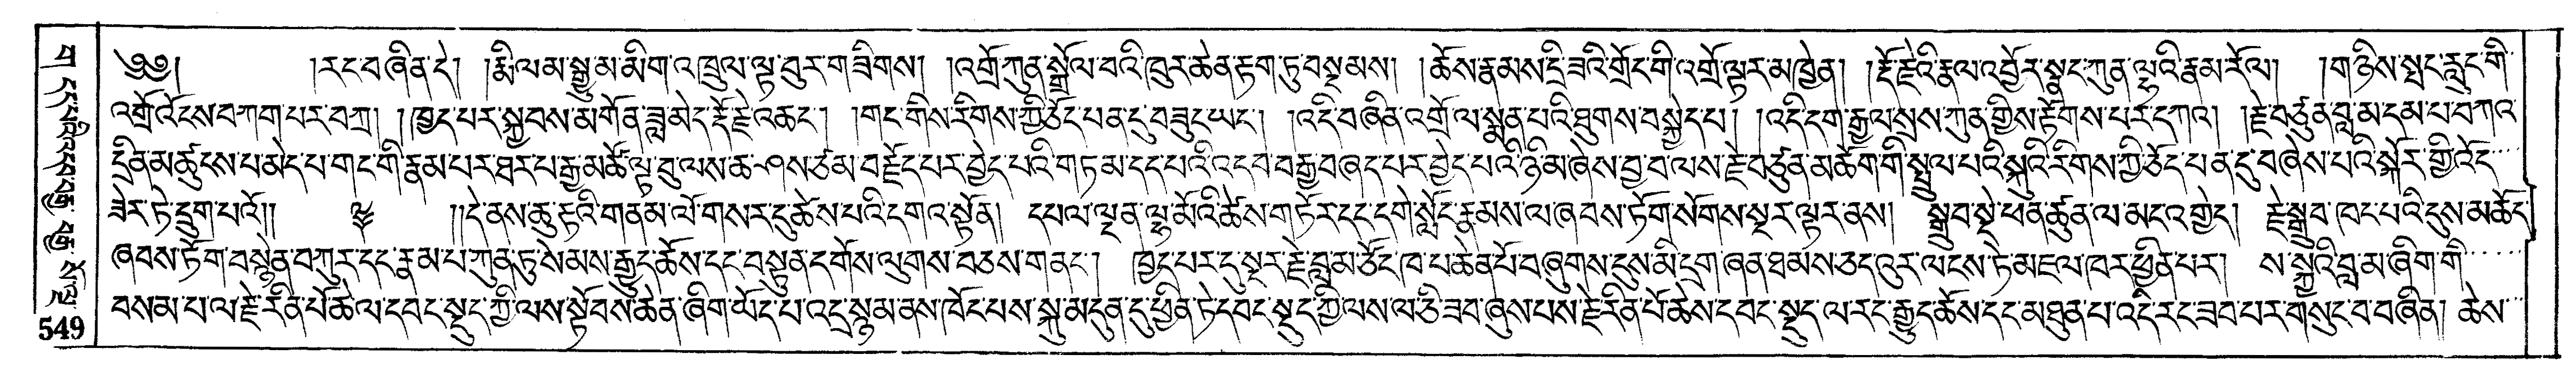༄༅། །རང་བཞིན་དེ། །རྨི་ལམ་སྒྱུ་མ་མིག་འཁྲུལ་ལྟ་བུར་གཟིགས། །འགྲོ་ཀུན་སྒྲོལ་བའི་ཁུར་ཆེན་རྟག་ཏུ་བསྣམས། །ཆོས་རྣམས་དྲི་ཟའི་གྲོང་གི་འགྲོ་ལྟར་མཁྱེན། །རྡོ་རྗེའི་རྣལ་འབྱོར་སྣང་ཀུན་ལྷའི་རྣམ་རོལ། །གཉིས་སྤང་རླུང་གི་
འགྲོ་འོངས་བཀག་པར་བཀྲ། །ཁྱད་པར་སྐྱབས་མགོན་ཟླ་མེད་རྡོ་རྗེ་འཆང་། །གང་གིས་རིགས་ཀྱི་ཅོད་པན་དུ་བཟུང་ཡང་། །འདི་བཞིན་འགྲོ་ལ་སྨན་པའི་ཐུགས་བསྐྱེད་པ། །འདི་དག་རྒྱལ་སྲས་ཀུན་གྱིས་རྟོགས་པར་དཀའ། །རྗེ་བཙུན་བླ་མ་དམ་པ་བཀའ་
དྲིན་མཚུངས་པ་མེད་པ་གང་གི་རྣམ་པར་ཐར་པ་རྒྱ་མཚོ་ལྟ་བུ་ལས་ཆ་ཤས་ཙམ་བརྗོད་པར་བྱེད་པའི་གཏམ་དད་པའི་འདབ་བརྒྱ་བཞད་པར་བྱེད་པའི་ཉི་མ་ཞེས་བྱ་བ་ལས་རྗེ་བཙུན་མཆོག་གི་སྤྲུལ་པའི་སྐུའི་རིགས་ཀྱི་ཅོད་པན་དུ་བཞེས་པའི་སྐོར་གྱི་འོད་
ཟེར་ཏེ་དྲུག་པའོ།། ~་།།དེ་ནས་ཆུ་རྟའི་གནམ་ལོ་གསར་དུ་ཆོས་པའི་དགའ་སྟོན། དཔལ་ལྡན་ལྷ་མོའི་ཚེས་གཏོར་དང་དགེ་སློང་རྣམས་ལ་ཞབས་ཏོག་སོགས་སྔར་ལྟར་ནས། སྒྲུབ་སྡེ་ཕན་ཚུན་ལ་མང་འགྱེད། རྗེ་སྒྲུབ་ཁང་པའི་དུས་མཆོད་
ཞབས་ཏོག་བསྙེན་བཀུར་དང་རྣམ་པ་ཀུན་ཏུ་སེམས་རྒྱུད་ཆོས་དང་བསྟུན་དགོས་ལུགས་བཅས་གནང་། ཁྱད་པར་དུ་སྔར་རྗེ་བླ་མ་ཙོང་ཁ་པ་ཆེན་པོ་བཞུགས་དུས་མི་དྲག་ཞག་ཐམས་ཅད་འུར་ལངས་ཏེ་མཇལ་ཁར་ཕྱིན་པར། ས་སྐྱའི་བླ་མ་ཞིག་གི་
བསམ་པ་ལ་རྗེ་རིན་པོ་ཆེ་ལ་དབང་སྡུད་ཀྱི་ལས་སྟོབས་ཆེན་ཞིག་ཡོད་པ་འདྲ་སྙམ་ནས་ཁོང་པས་སྐུ་མདུན་དུ་ཕྱིན་ཏེ་དབང་སྡུད་ཀྱི་ལས་ལ་ཅི་ཟབ་ཞུས་པས་རྗེ་རིན་པོ་ཆེས་དབང་སྡུད་ལ་རང་རྒྱུད་ཆོས་དང་མཐུན་པ་འདི་རང་ཟབ་པར་གསུང་བ་བཞིན། ཆེས་